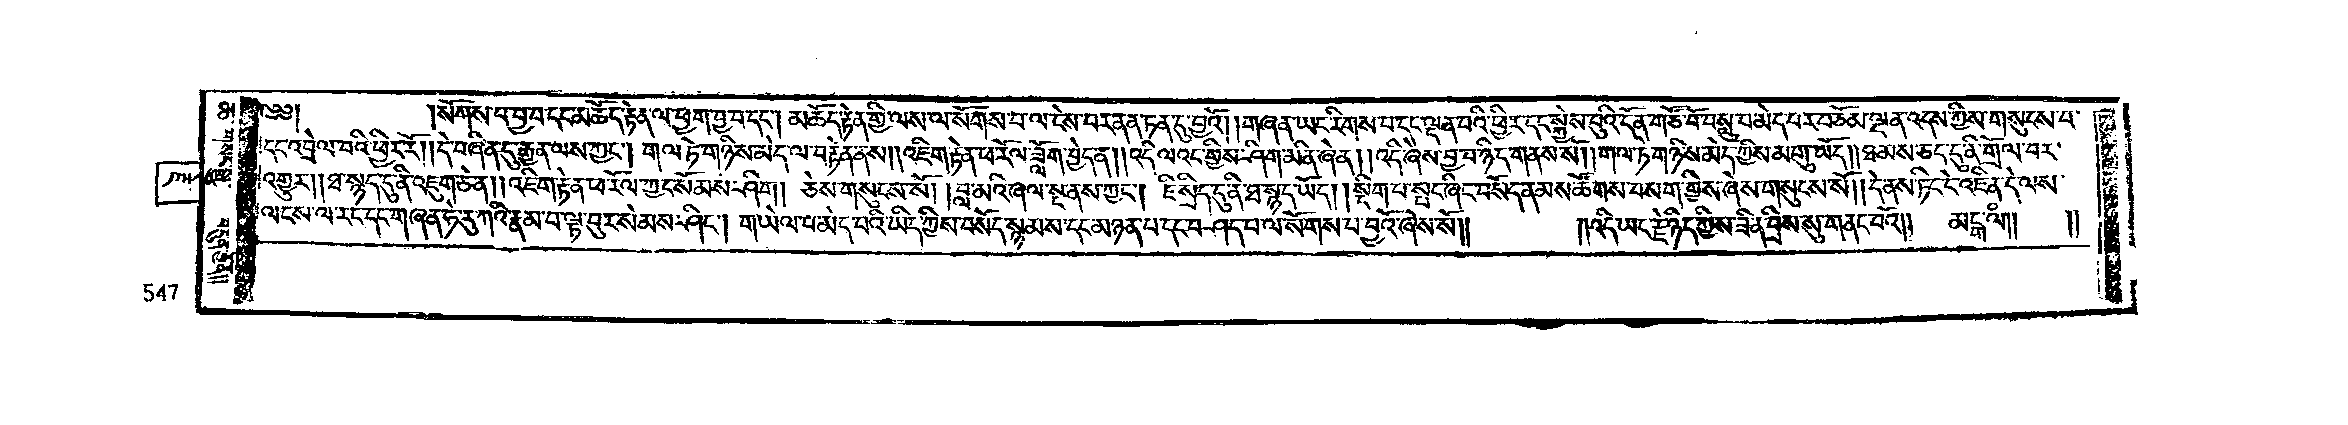༄༅། །སོགས་པ་བྱ་བ་དང་མཆོད་རྟེན་ལ་ཕྱག་བྱ་བ་དང་། མཆོད་རྟེན་གྱི་ལས་ལ་སོགས་པ་ལ་ངེས་པར་ནན་ཏན་དུ་བྱའོ། །གཞན་ཡང་རིགས་པ་དང་ལྡན་པའི་ཕྱིར་དང་སྐྱེས་བུའི་དོན་གཙོ་བོ་བསླུ་བ་མེད་པར་བཅོམ་ལྡན་འདས་ཀྱིས་གསུངས་པ་
དང་འབྲེལ་བའི་ཕྱིར་རོ། །དེ་བཞིན་དུ་རྒྱན་ལས་ཀྱང་། གལ་ཏེ་གཉིས་མེད་ལ་བརྟེན་ནས། །འཇིག་རྟེན་ཕ་རོལ་ཟློག་བྱེད་ན། །འདི་ལའང་གྱིས་ཤིག་མིན་ཞེ་ན། །འདི་ཞེས་བྱ་བ་ཉིད་གནས་སོ། །གལ་ཏེ་གཉིས་མོད་ཀྱིས་མགུ་ཡོད། །ཐམས་ཅད་དུ་ནི་གྲོལ་བར་
འགྱུར། །ཐ་སྙད་དུ་ནི་འཇུག་ཅེ་ན། །འཇིག་རྟེན་ཕ་རོལ་ཀྱང་སོམས་ཤིག །ཅེས་གསུངས་སོ། །བླ་མའི་ཞལ་སྔ་ནས་ཀྱང་། ཇི་སྲིད་དུ་ནི་ཐ་སྙད་ཡོད། །སྡིག་པ་སྤང་ཞིང་བསོད་ནམས་ཚོགས་བསག་གྱིས་ཞེས་གསུངས་སོ། །དེ་ནས་ཏིང་ངེ་འཛིན་དེ་ལས་
ལངས་ལ་རང་དང་གཞན་ཧེ་རུ་ཀའི་རྣམ་པ་ལྟ་བུར་སེམས་ཤིང་། གཡེལ་བ་མེད་པའི་ཡིད་ཀྱིས་བསོད་སྙམས་དང་མཉན་པ་དང་བཤད་པ་ལ་སོགས་པ་བྱའོ་ཞེས་སོ།། །།འདི་ཡང་རྗེ་ཉིད་ཀྱིས་ཟིན་བྲིས་སུ་གནང་བའོ།། མངྒ་ལཾ།། །